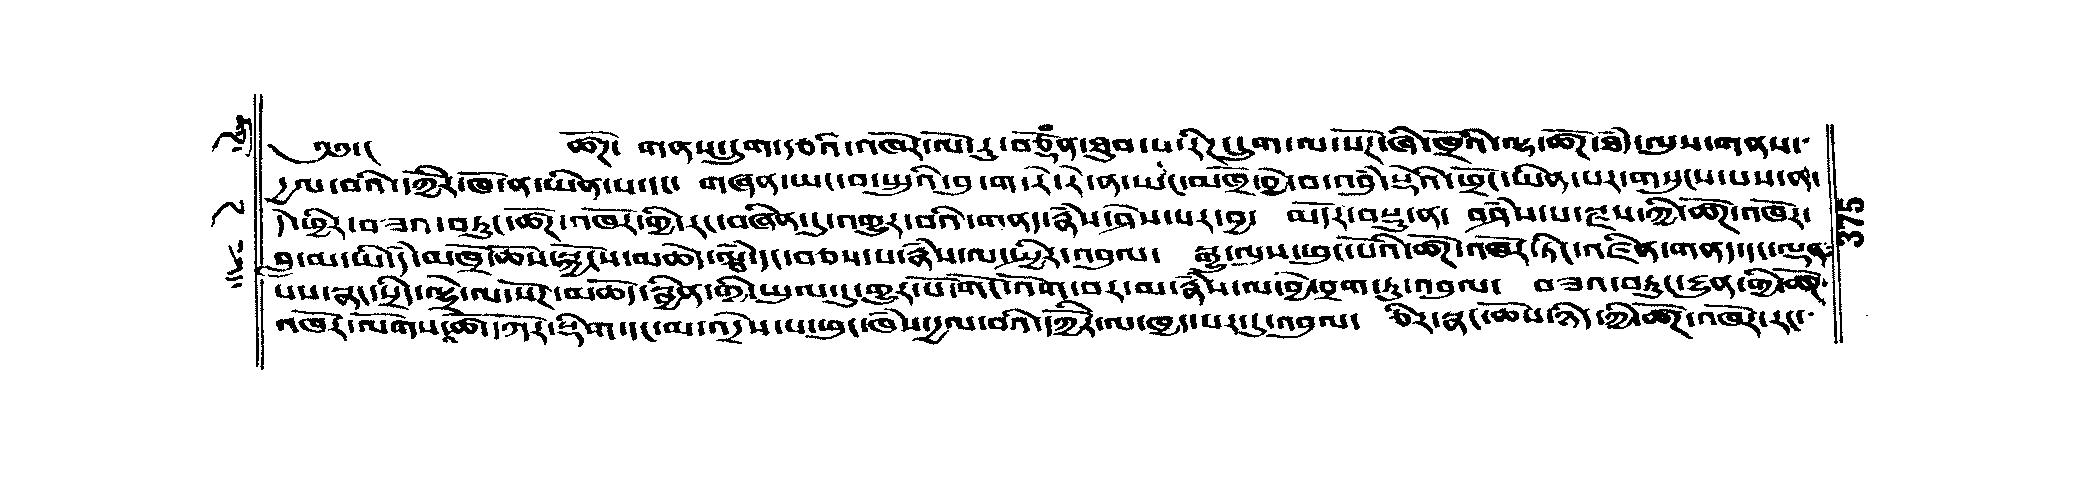ཚོགས། གནས་དྲུག་རྩའི་འཁོར་ལོ་རུ་བཅོམ་ལྡན་ཐུབ་པ་རིགས་དྲུག་ལ་སོགས་ཞི་ཁྲོའི་ལྷ་ཚོགས་ཐམས་ཅད་ལུས་གནས་
རྒྱལ་བའི་དཀྱིལ་འཁོར་ཁོ་ན་ཡིན་པ་དང་། གཞན་ཡང་བ་སྤུའི་བུ་ག་རེ་རེ་ན་ཡང་མཁའ་འགྲོ་བྱེ་བ་འབུམ་སྡེའི་ཕོ་བྲང་ཡིན་པར་གསུངས་པས་ན་
དེ་ཕྱིར་བཟའ་བཏུང་འཁོར་གྱི་རང་བཞིན་དུ་འགྱུར་བའི་གནད་རྣམས་ཤེས་པར་བྱ། མདོར་བསྡུ་ན། བཤམས་པ་རྫས་ཀྱི་ཚོགས་འཁོར་
བླ་མ་ཡི་དམ་མཁའ་འགྲོ་ཆོས་སྐྱོང་་མཆེད་ལྕམ་དང་བཅས་པ་རྣམས་ལ་སྤྱིར་འབུལ། སྒྱུ་ལུས་ཕུང་པོའི་ཚོགས་འཁོར་ཏིང་འཛིན་གནད་དང་ལྡན་
པས་སྣང་སྲིད་ལྷ་འདྲེ་ལ་སོགས་མཆོད་སྦྱིན་གྱི་དུ་གྱུར་པོ་གོང་འོག་བར་མ་རྣམས་ལ་བྱེ་བྲག་ཏུ་འབུལ། བཟའ་བཏུང་རྒྱུན་གྱི་ཚོགས་
འཁོར་ལོག་འཚོ་དཀོར་སྡིག་དང་མ་འདྲེས་པ་ཕུང་ཁམས་རྒྱལ་བའི་དཀྱིལ་འཁོར་ལ་ཁྱད་པར་དུ་འབུལ། ཅིར་སྣང་ཆོས་ཉིད་ཀྱི་ཚོགས་འཁོར་རང་